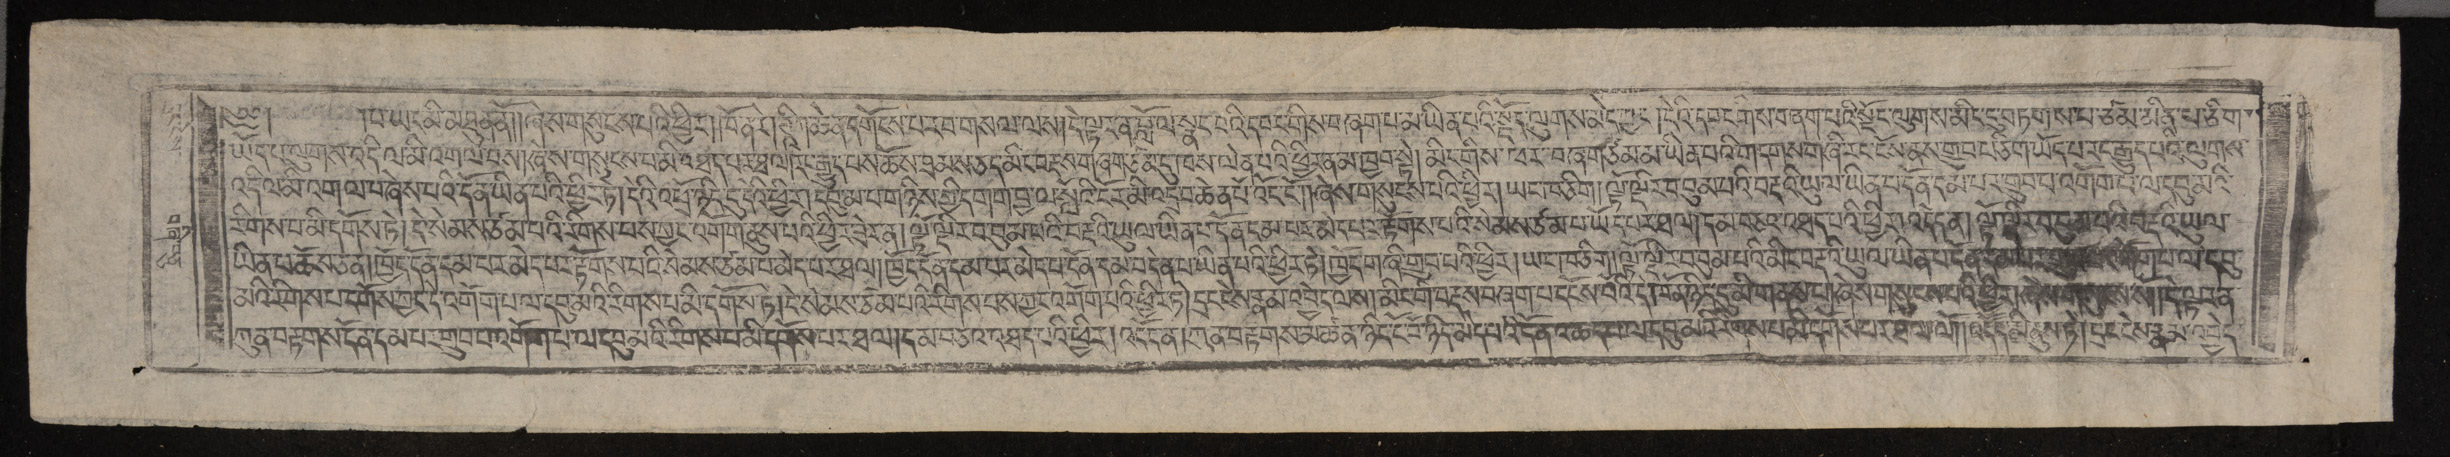༄༅། །པ་ཡང་མི་མཐུན་ནོ། །ཞེས་གསུངས་པའི་ཕྱིར། ཁོ་ན་རེ། ཊཱིཀ་ཆེན་དགོངས་པ་རབ་གསལ་ལས། དེ་ལྟར་ན་བློ་ལ་སྣང་བའི་དབང་གིས་བཞག་པ་མ་ཡིན་པའི་སྡོད་ལུགས་མེད་ཀྱང་། དེའི་དབང་གིས་བཞག་པའི་སྡོད་ལུགས་མིང་དུ་བཏགས་པ་ཙམ་མིན་པ་ཅིག་
ཡོད་པ་ལུགས་འདི་ལ་མི་འགལ་བས། ཞེས་གསུངས་པ་མི་འཐད་པར་ཐལ། རང་རྒྱུད་པས་ཆོས་ཐམས་ཅད་མིང་བརྡས་གཞག་ཙམ་དུ་ཁས་ལེན་པའི་ཕྱིར་ན་མ་ཁྱབ་སྟེ། མིང་གིས་ཕར་བཞག་ཙམ་མ་ཡིན་པའི་གདགས་གཞི་རང་ངོས་ནས་གྲུབ་པ་ཅིག་ཡོད་པ་རང་རྒྱུད་པའི་ལུགས་
འདི་ལ་མི་འགལ་བ་ཞེས་པའི་དོན་ཡིན་པའི་ཕྱིར་ཏེ། དེའི་འཕྲོ་ཉིད་དུ་དེའི་ཕྱིར། དབུ་མ་པ་གཉིས་ཀྱི་དགག་བྱ་ལ་བློའི་ངོར་མི་འདྲ་བ་ཆེན་པོ་འོང་ངོ། །ཞེས་གསུངས་པའི་ཕྱིར། ཡང་ཁ་ཅིག། ལྟོ་ལྡིར་བ་བུམ་པའི་བརྡའི་ཡུལ་ཡིན་པ་དོན་དམ་པར་གྲུབ་པ་འགོག་པ་ལ་དབུ་མའི་
རིགས་པ་མི་དགོས་ཏེ། དེ་སེམས་ཙམ་པའི་རིགས་པས་ཀྱང་འགོག་ནུས་པའི་ཕྱིར་ཟེར་ན། ལྟོ་ལྡིར་བ་བུམ་པའི་བརྡའི་ཡུལ་ཡིན་པ་དོན་དམ་པར་མེད་པར་རྟོགས་པའི་སེམས་ཙམ་པ་ཡོད་པར་ཐལ། དམ་བཅའ་འཐད་པའི་ཕྱིར། འདོད་ན། ལྟོ་ལྡིར་བ་བུམ་པའི་བརྡའི་ཡུལ་
ཡིན་པ་ཆོས་ཅན། ཁྱོད་དོན་དམ་པར་མེད་པར་རྟོགས་པའི་སེམས་ཙམ་པ་མེད་པར་ཐལ། ཁྱོད་དོན་དམ་པར་མེད་པ་དོན་དམ་བདེན་པ་ཡིན་པའི་ཕྱིར་ཏེ། ཁྱོད་གཞི་གྲུབ་པའི་ཕྱིར། ཡང་ཁ་ཅིག། ལྟོ་ལྡིར་བ་བུམ་པའི་མིང་བརྡའི་ཡུལ་ཡིན་པ་དོན་དམ་པར་གྲུབ་པ་འགོག་པ་ལ་དབུ་
མའི་རིགས་པ་དགོས་ཀྱང་དེ་འགོག་པ་ལ་དབུ་མའི་རིགས་པ་མི་དགོས་ཏེ། དེ་སེམས་ཙམ་པའི་རིགས་པས་ཀྱང་འགོག་པའི་ཕྱིར་ཏེ། དྲང་ངེས་རྣམ་འབྱེད་ལས། མིང་གི་བརྡས་བཞག་པ་དངོས་པོའི་དེ་ཁོ་ན་ཉིད་དུ་མི་གནས་པ། ཞེས་གསུངས་པའི་ཕྱིར། ཞེས་གསུངས་སོ། །དེ་ལྟར་ན་
ཀུན་བརྟགས་དོན་དམ་པར་གྲུབ་པ་འགོག་པ་ལ་དབུ་མའི་རིགས་པ་མི་དགོས་པར་ཐལ། དམ་བཅའ་འཐད་པའི་ཕྱིར། འདོད་ན། ཀུན་བརྟགས་མཚན་ཉིད་ངོ་བོ་ཉིད་མེད་པའི་དོན་འཆད་པ་ལ་དབུ་མའི་རིགས་པ་མི་དགོས་པར་ཐལ་ལོ། །འདོད་མི་ནུས་ཏེ། དྲང་ངེས་རྣམ་འབྱེད་